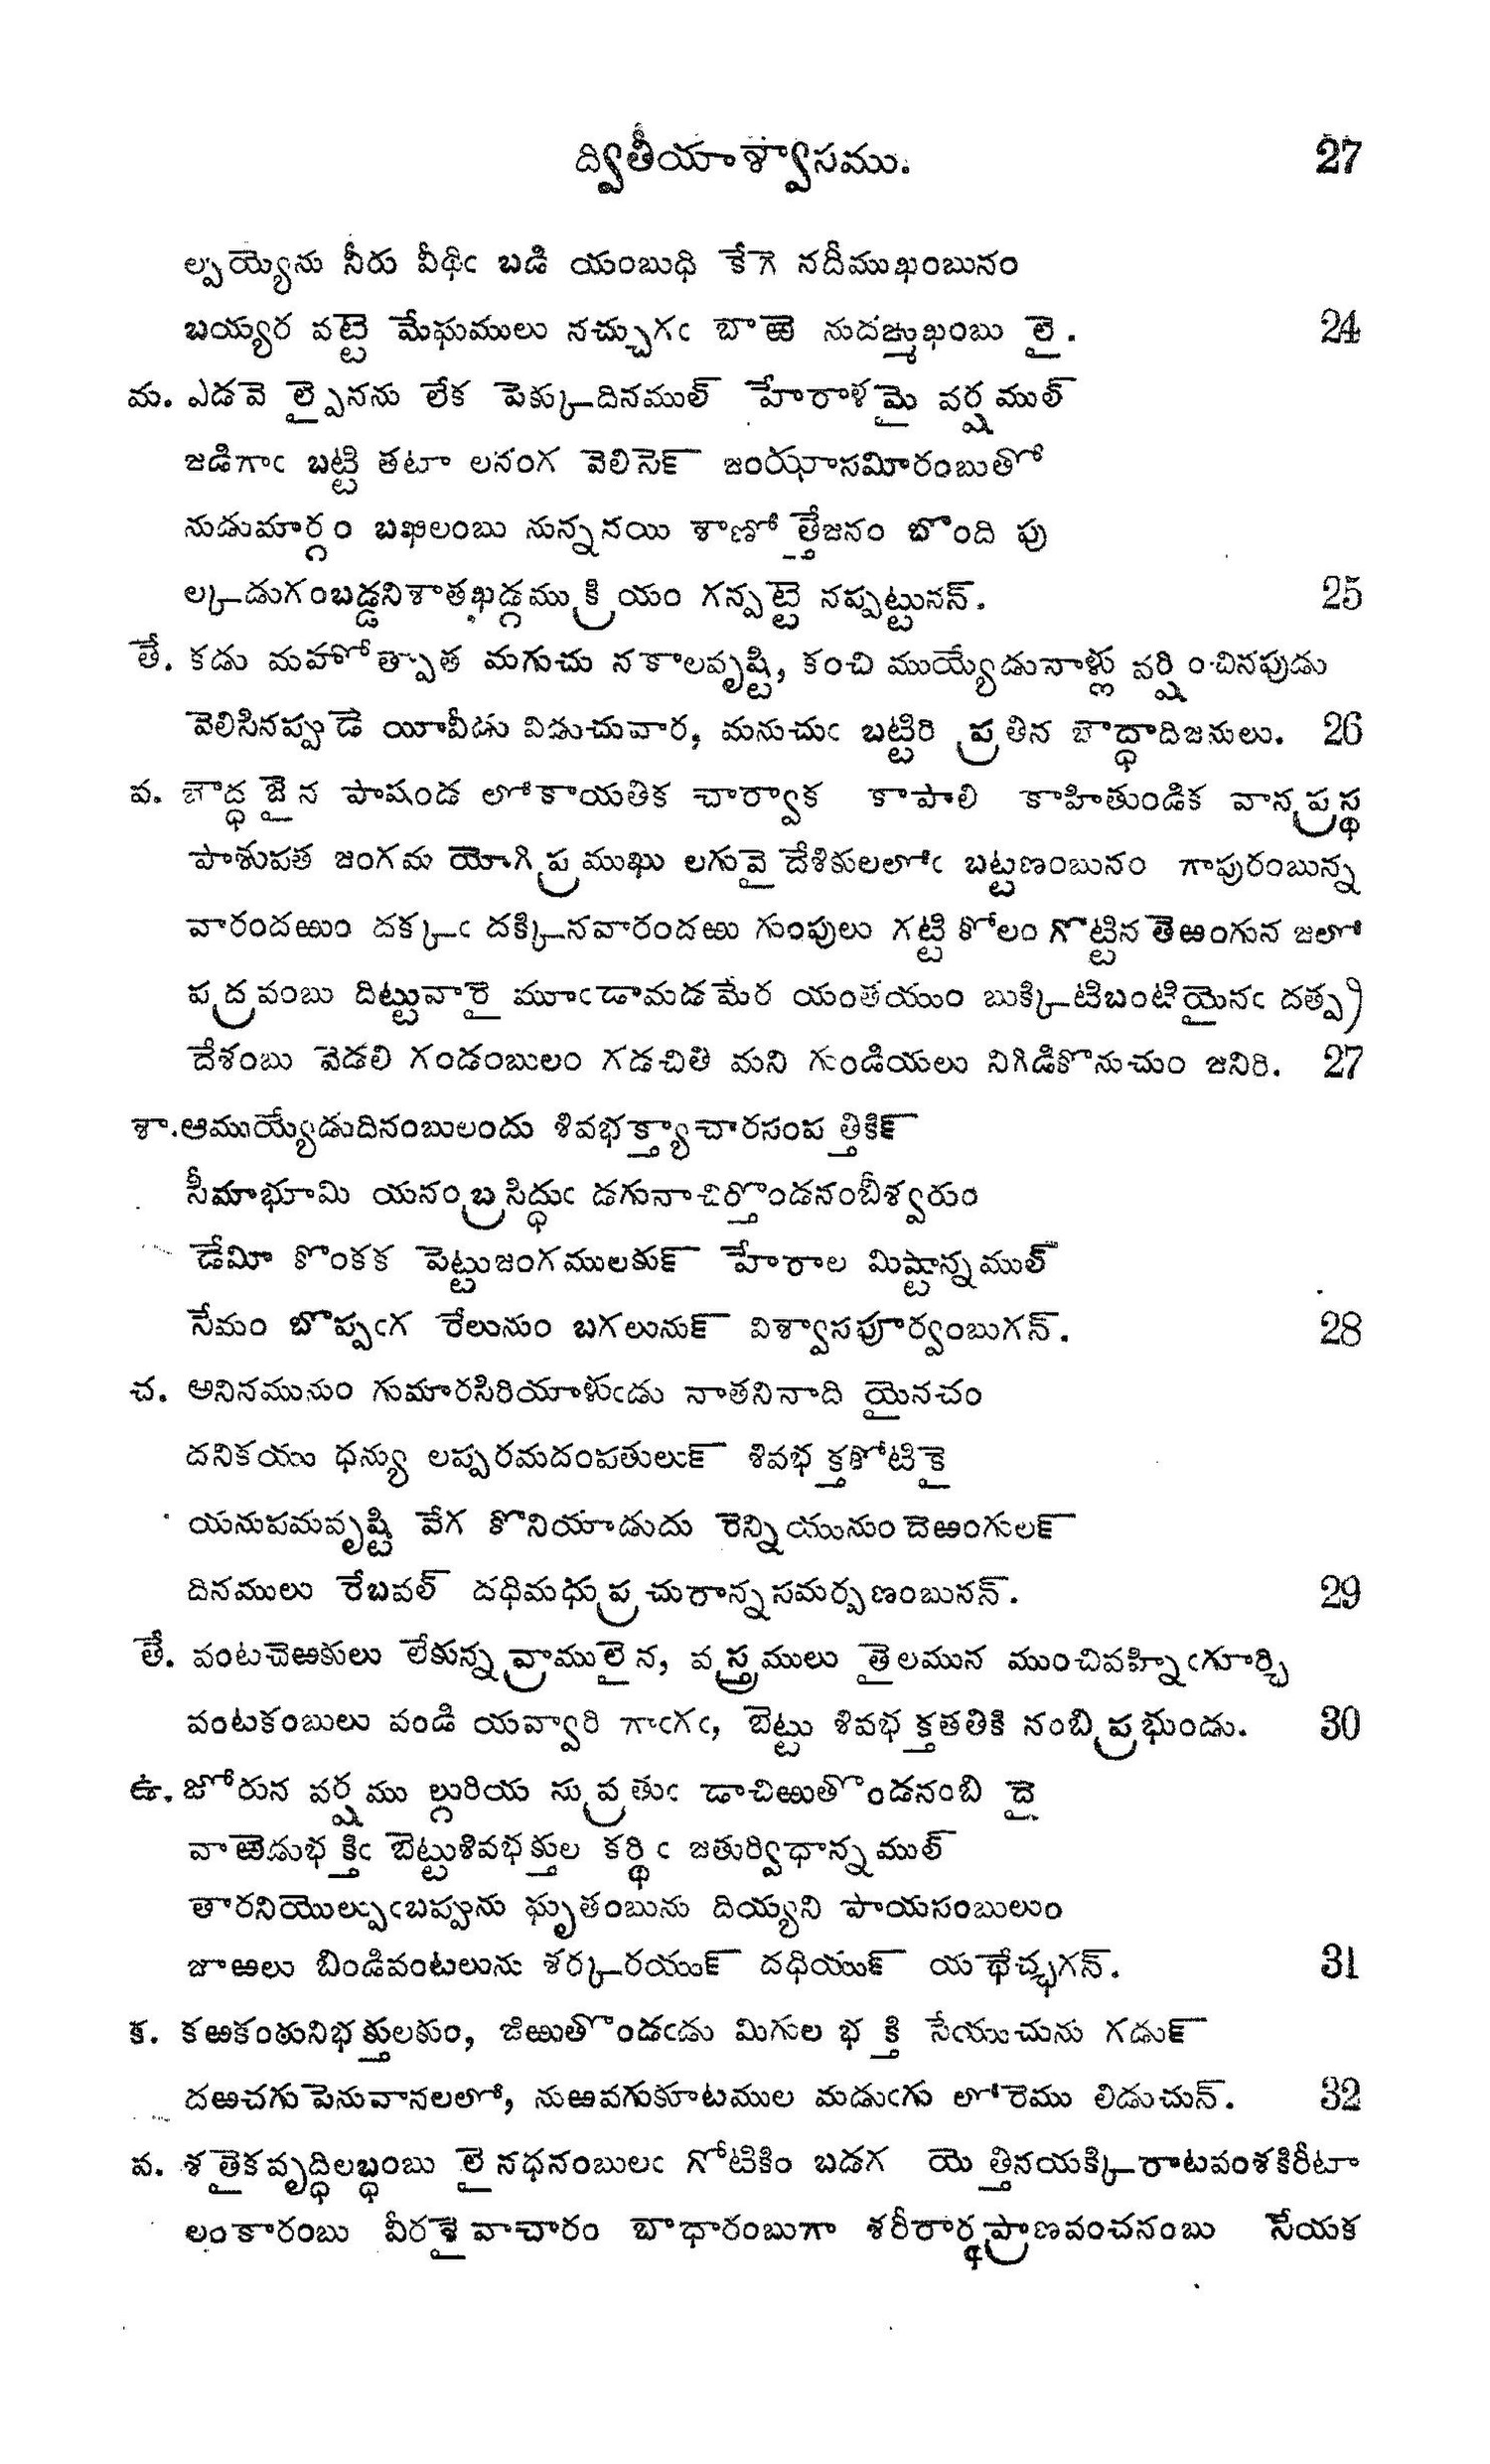ల్పయ్యెను నీరు వీథిఁ బడి యంబుధి కేగె నదీముఖంబునం
బయ్యర వట్టె మేఘములు నచ్చుగఁ బాఱె నుదఙ్ముఖంబులై. 24

మ. ఎడవె ల్పైనను లేక పెక్కుదినముల్ హేరాళమై వర్షముల్
జడిగాఁ బట్టి తటా లనంగ వెలిసెన్ జంఝాసమీరంబుతో
నుడుమార్గం బఖిలంబు నున్ననయి శాణోత్తేజనం బొంది పు
ల్కడుగంబడ్డ నిశాతఖడ్గముక్రియం గన్పట్టె నప్పట్టునన్. 25

తే. కడు మహోత్పాత మగుచు నకాలవృష్టి, కంచి ముయ్యేడునాళ్ళు వర్షించినపుడు
వెలిసినప్పుడె యీవీడు విడుచువార, మనుచుఁ బట్టిరి ప్రతిన బౌద్ధాదిజనులు. 26

వ. బౌద్ధ జైన పాషండ లోకాయతిక చార్వాక కాపాలి కాహితుండిక వానప్రస్థ పాశుపత జంగమయోగి ప్రముఖులగు వైదేశికులలోఁ బట్టణంబునం గాపురంబున్న వారందఱుం దక్కఁ దక్కినవారందఱు గుంపులు గట్టి కోలం గొట్టిన తెఱంగున జలోపద్రవంబు దిట్టువారై మూఁడామడమేర యంతయు బుక్కిటిబంటియైనఁ దత్ప్రదేశంబు వెడలి గండంబులం గడచితి మని గుండియలు నిగిడికొనుచుం జనిరి. 27

శా. ఆముయ్యేడుదినంబులందు శివభక్త్యాచారసంపత్తికిన్
సీమాభూమి యనం బ్రసిద్ధుఁడగు నాచిర్తొండనంబీశ్వరుం
డేమీ కొంకక పెట్టు జంగములకున్ హేరాల మిష్టాన్నముల్
సేమం బొప్పఁగ రేలునుం బగలునున్ విశ్వాసపూర్వంబుగన్. 28

చ. అనిన మునుం గుమారసిరియాళుఁడు నాతనినాదియైన చం
దనికయు ధన్యు లప్పరమదంపతులున్ శివభక్తకోటికై
యనుపమవృష్టి వేగ కొనియాడుదు రెన్నియునుం దెఱంగులన్
దినములు రేబవల్ దధిమధుప్రచురాన్నసమర్పణంబునన్. 29

తే. వంటచెఱకులు లేకున్న వ్రాములైన, వస్త్రములు తైలమున ముంచి వహ్నిఁ గూర్చి
వంటకంబులు వండి యవ్వారి గాఁగఁ, బెట్టు శివభక్తతతికి నంబిప్రభుండు. 30

ఉ. జోరును వర్షము ల్గురియ సువ్రతుఁ డాచిఱుతొండనంబి దై
వాఱెడుభక్తిఁ బెట్టు శివభక్తుల కర్థిఁ జతుర్విధాన్నముల్
తారనియొల్పుఁబప్పును ఘృతంబును దియ్యని పాయసంబులుం
జాఱలు బిండివంటలును శర్కరయున్ దధియున్ యథేచ్ఛగన్. 31

క. కఱకంఠునిభక్తులకుం, జిఱుతొండఁడు మిగులభక్తి సేయుచును గడున్
దఱచగుపెనువానలలో, నుఱవగుకూటముల మడుఁగు లోరెము లిడుచున్. 32

వ. శతైకవృద్ధిలబ్ధంబులైన ధనంబులఁ గోటికిం బడగ యెత్తిన యక్కిరాటవంశకిరీటాలంకారంబు వీరశైవాచారం బాధారంబుగా శరీరార్థప్రాణవంచనంబు సేయక